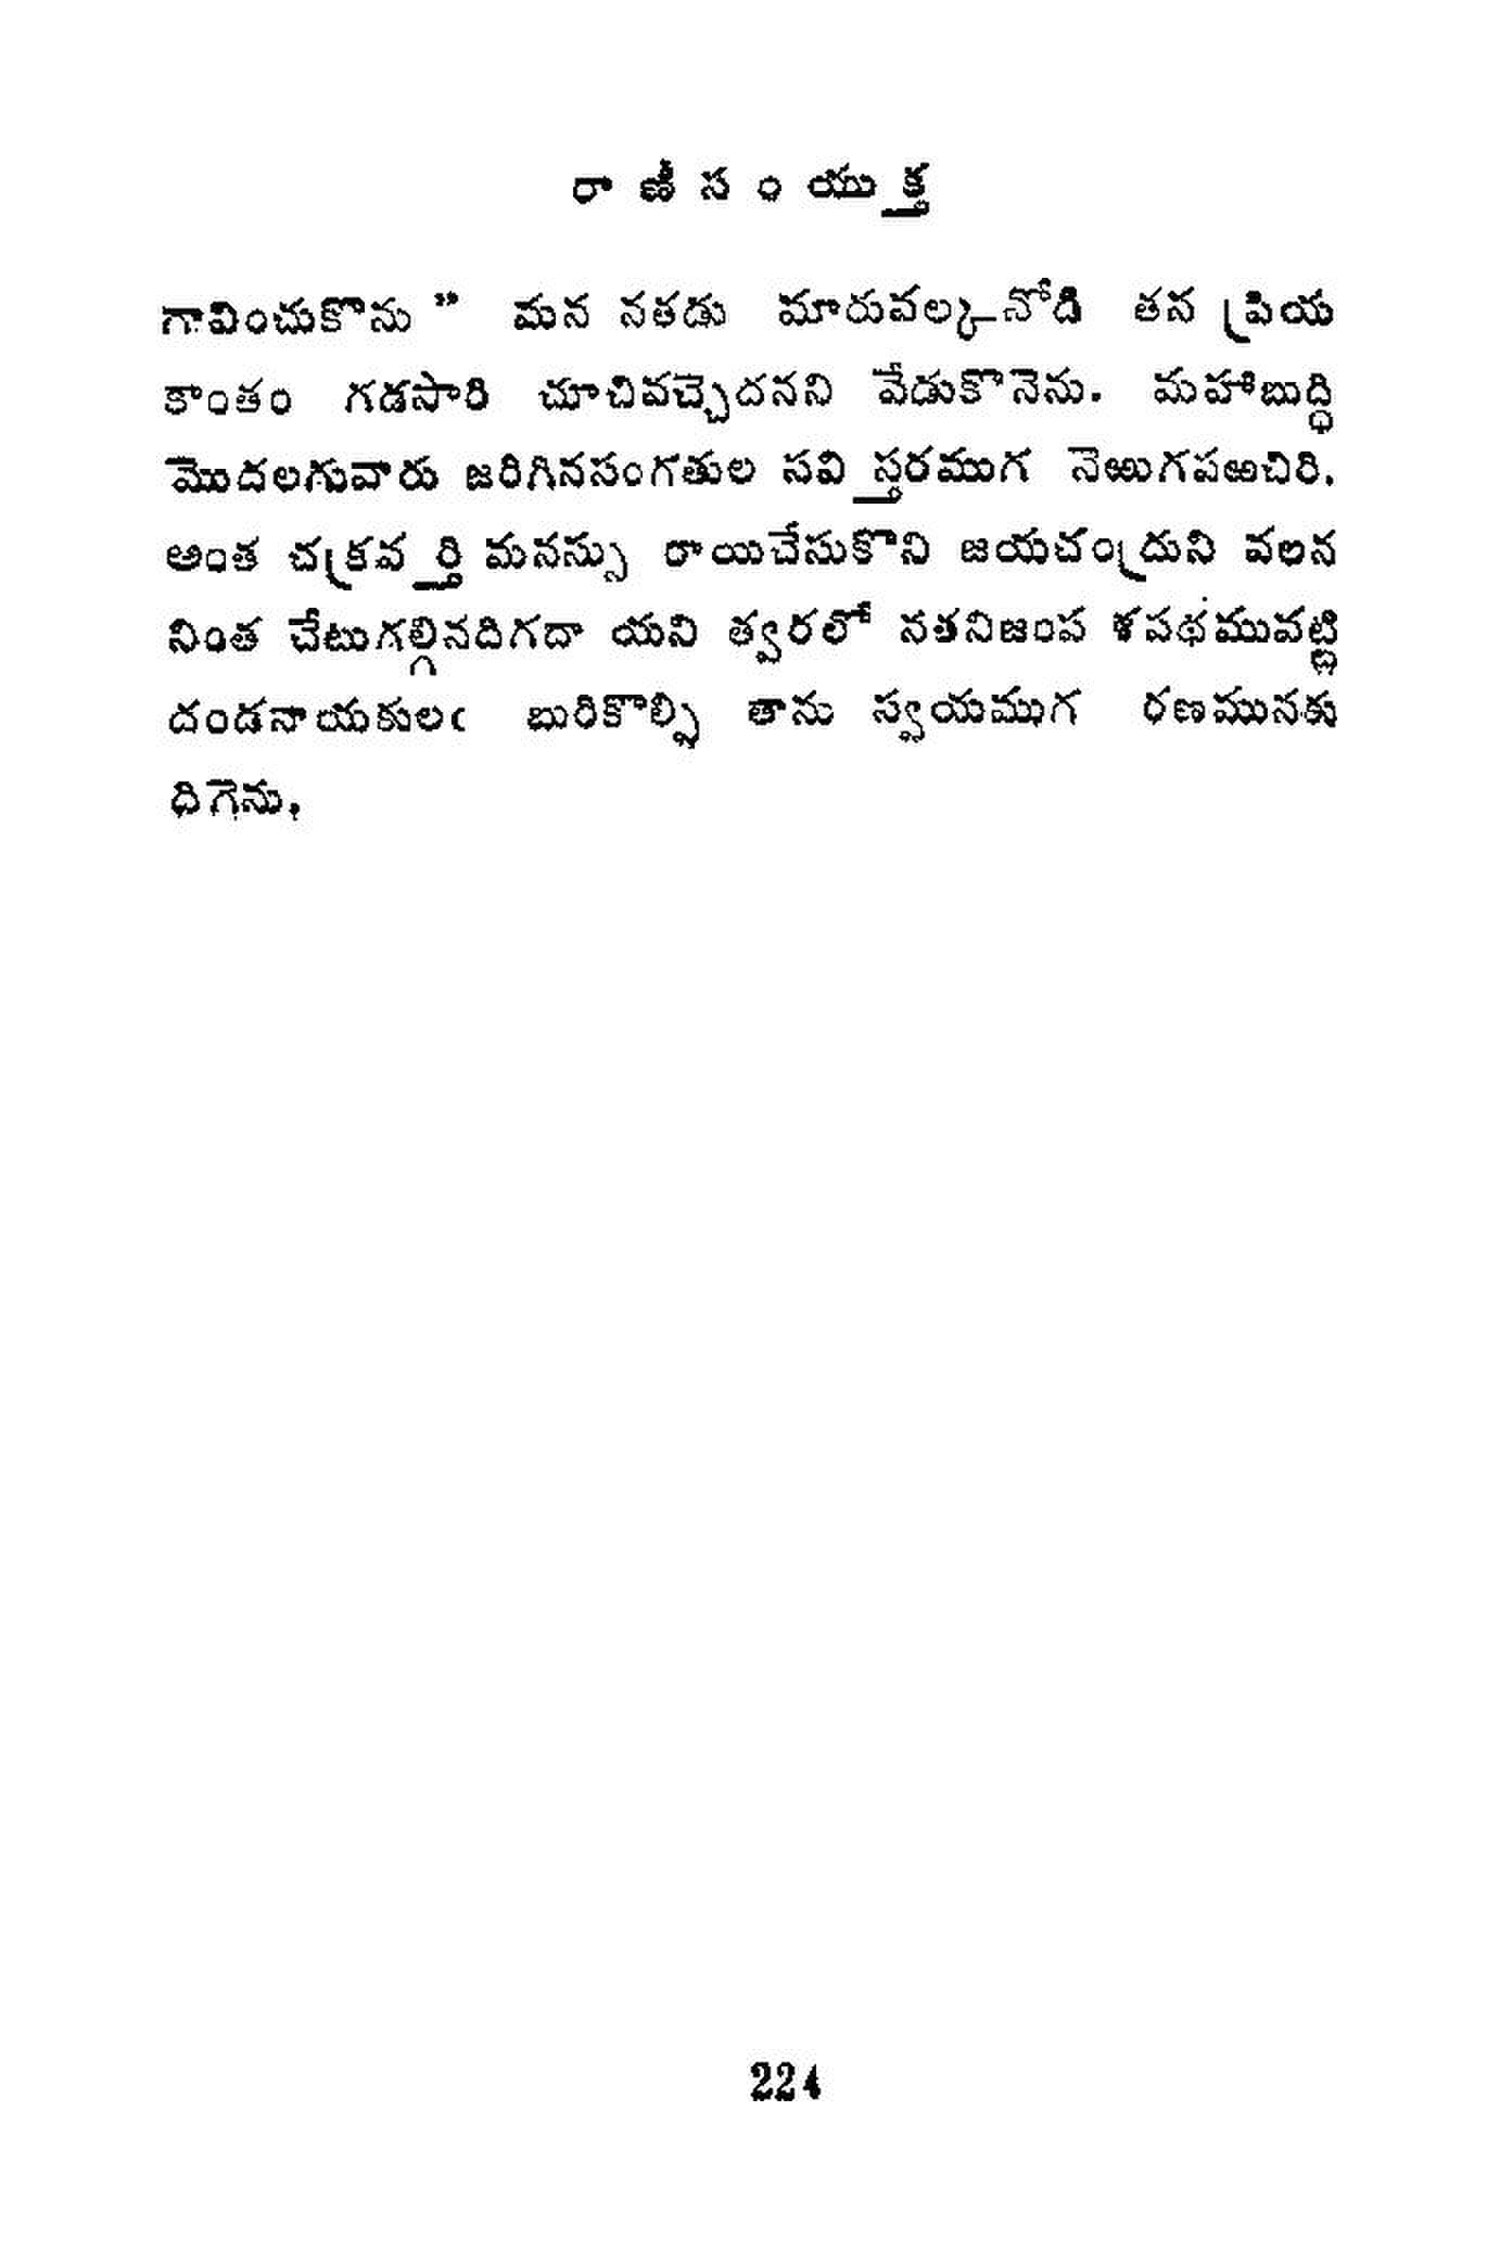గావించుకొను ” మన నతడు మారువల్కనోడి తన ప్రియ కాంతం గడసారి చూచివచ్చెదనని వేడుకొనెను. మహాబుద్ది మొదలగువారు జరిగినసంగతుల సవిస్తరముగ నెఱుగపఱచిరి. అంత చక్రవర్తి మనస్సు రాయిచేసుకొని జయచంద్రుని వలన నింత చేటుగల్గినదిగదా యని త్వరలో నతనిజంప శపథముపట్టి దండనాయకులఁ బురికొల్పి తాను స్వయముగ రణమునకు దిగెను.